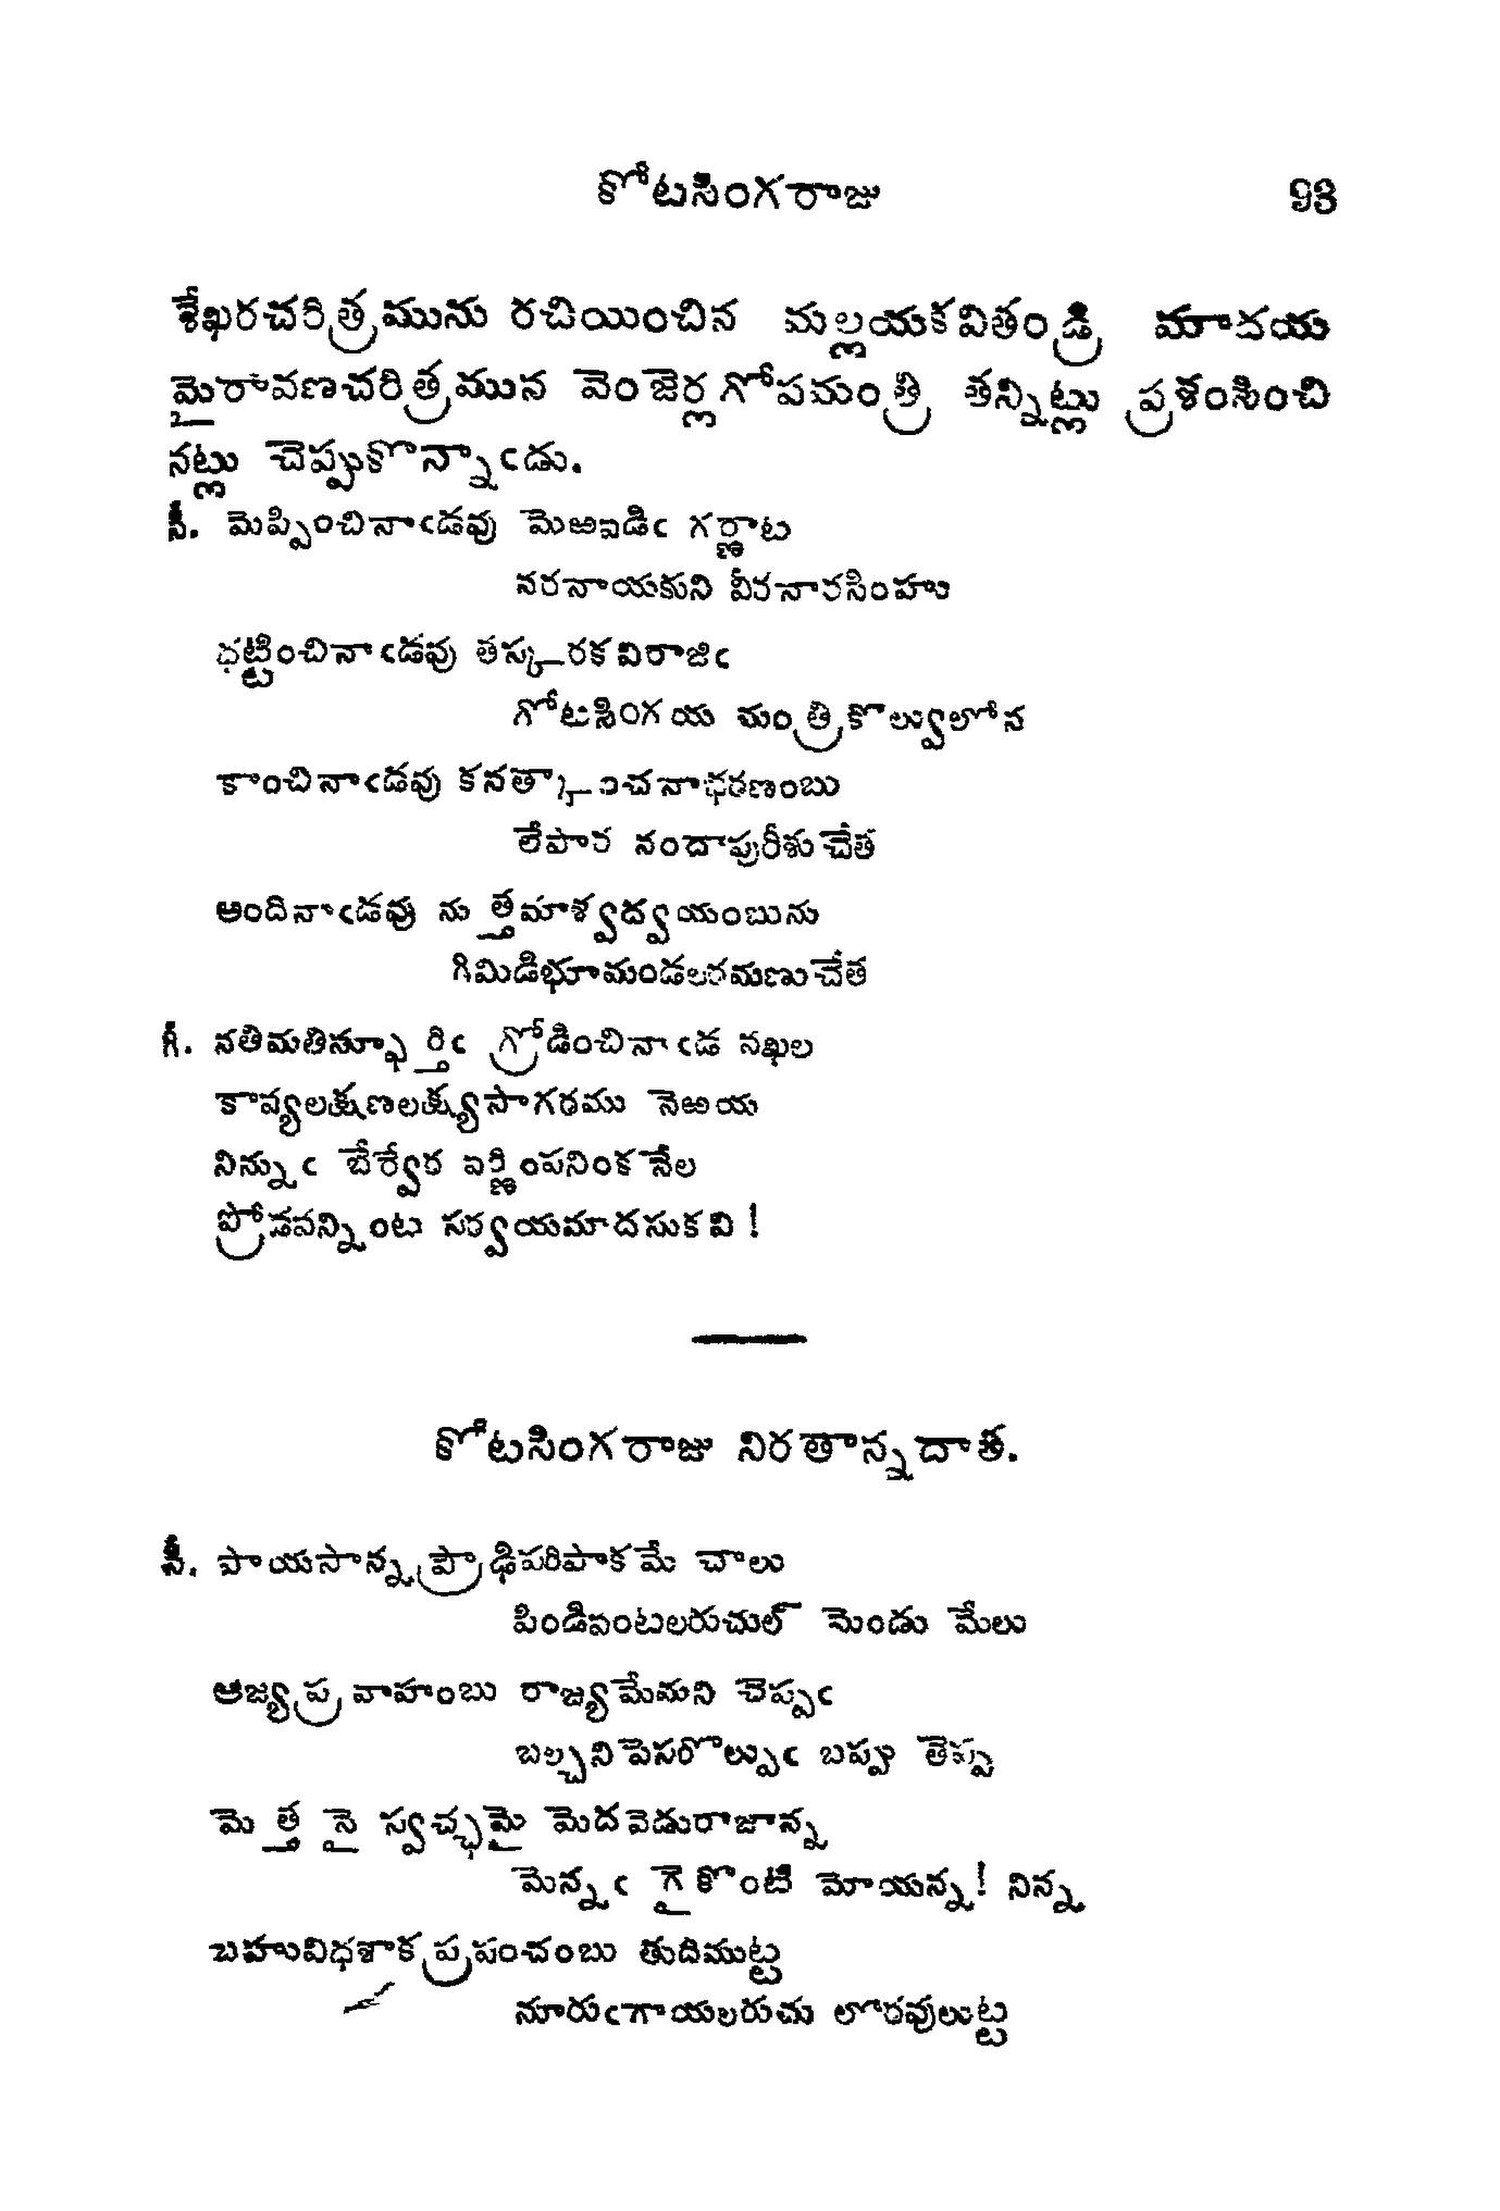శేఖరచరిత్రమును రచియించిన మల్లయకవితండ్రి మాదయ మైరావణచరిత్రమున వెంజెర్ల గోపమంత్రి తన్నిట్లు ప్రశంసించినట్లు చెప్పుకొన్నాఁడు.
సీ. మెప్పించినాఁడవు మెఱవడిఁ గర్ణాట
 నరనాయకుని వీరనారసింహు
 ధట్టించినాఁడవు తస్కరకవిరాజిఁ
 గోటసింగయ మంత్రి కొల్వులోన
 కాంచినాఁడవు కనత్కాంచనాభరణంబు
 లేపార నందాపురీశుచేత
 అందినాఁడవు నుత్తమాశ్వద్వయంబును
 గడిమి భూమండలరమణుచేత
గీ. నతిమతిస్ఫూర్తిఁ గ్రోడించినాఁడ వఖిల
 కావ్యలక్షణలక్ష్యసాగరము నెఱయ
 నిన్నుఁ బేర్వేర వర్ణింప నింక నేల
 ప్రోడ వన్నింట సర్వయమాదసుకవి!

సీ. పాయసాన్నప్రౌఢిపరిపాకమే చాలు
 పిండివంటలరుచుల్ మెండు మేలు
 ఆజ్యప్రభావంబు రాజ్య మేమని చెప్పఁ
 బల్చని పెస రొల్పుఁ బప్పు చెప్ప
 మెత్తనై స్వచ్ఛమై మెదవెడు రాజాన్న
 మెన్నఁ గైకొంటి మోయన్న! నిన్న
 బహువిధశాకప్రపంచంబు తుదిముట్ట
 నూరుఁగాయలరుచు లొరవు లుట్ట